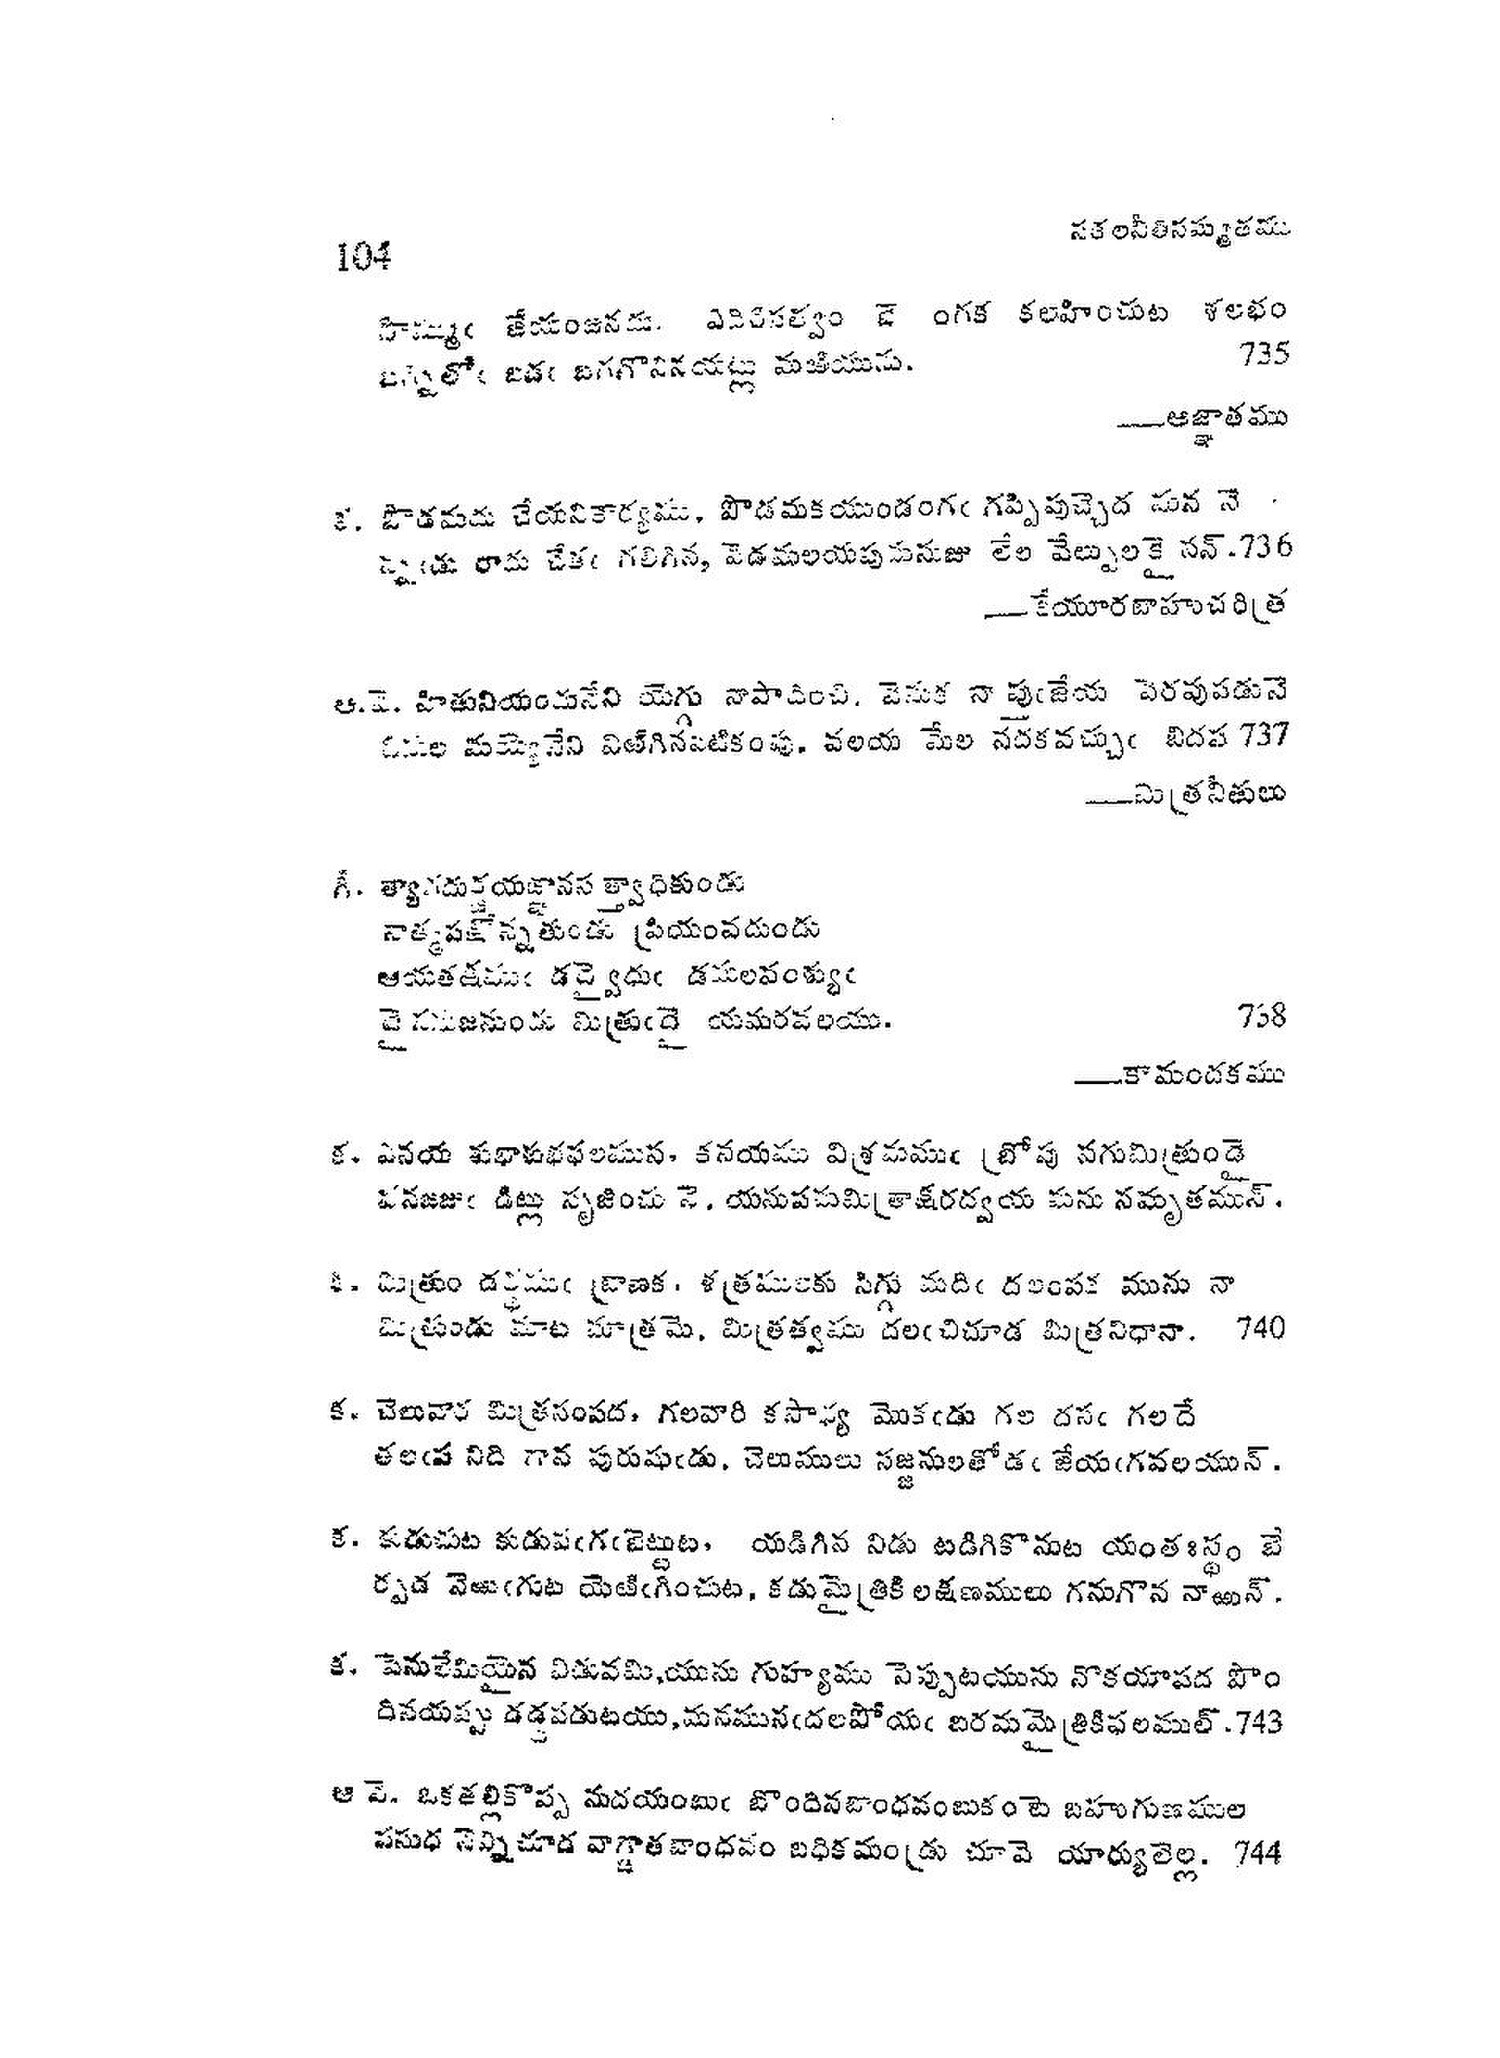సొమ్ముఁ జేయంజనదు. ఎదిరిసత్వం బెఱుంగక కలహించుట శలభం బగ్నిలోఁ బడఁ బగగొనినయట్లు మఱియును.

క. పొడమదు చేయని కార్యము
పొడమక యుండంగఁ గప్పిపుచ్చెద మన నె
న్నఁడు రాదు చేతఁ గలిగిన
వెడమలయపు మనుజు లేల వేల్పులకైనన్. 736

ఆ. హితునియందునేని యెగ్గు నాపాదించి
వెనుక నాప్తుఁ జేయ వెరవుపడునె
విమల మయ్యెనేని విఱిగినపటికంపు
వలయ మేల నదకవచ్చుఁ బిదప. 737

గీ. త్యాగదుర్జయజ్ఞానసత్త్వాధికుండు
నాత్మపక్షోన్నతుండు ప్రియంవదుండు
ఆయక్షతముఁ డద్వైధుఁ డమలవంశ్యుఁ
డైన సుజనుండు మిత్రుఁడై యమరవలయు. 738

క. ఎనయ శుభాశుభఫలమున
కనయము విశ్రమముఁ బ్రోపు నగు మిత్రుండై
వనజజుఁ డిట్లు సృజించు నె
యనుపమమిత్రాక్షద్వయ మను నమృతమున్. 739

క. మిత్రుం డర్థముఁ బ్రాణక
ళత్రములకు సిగ్గు మదిఁ దలంపక మును నా
మిత్రుండు మాట మాత్రమె
మిత్రత్వము దలఁచిచూడ మిత్రనిధానా. 740

క. చెలువార మిత్రసంపద
గలవారి కసాధ్య మొకఁడు గల దనఁ గలదే
తలఁప నిది గాన పురుషుఁడు
చెలుములు సజ్జనులతోడఁ జేయఁగవలయున్. 741

క. కుడుచుట కుడువఁగఁబెట్టుట
యడిగిన నిడు టడిగికొనుట యంతఃస్థం బే
ర్పడ నెఱుఁగుట యెఱిఁగించుట
కడుమైత్రికి లక్షణములు గనుగొన నాఱన్. 742

క. పెనులేమియైన విడువమి
యును గుహ్యము సెప్పుటయును నొకయాపద పొం
దినయప్పు డడ్డుపడుటయు
మనమునఁ దలపోయఁ బరమమైత్రికి ఫలముల్. 743

ఆ. ఒకతల్లి కొప్ప నుదయంబుఁ బొందిన
బాంధవంబుకంటె బహుగుణముల
వసుధ నెన్ని చూడ వాగ్జాతబాంధవం
బధిక మండ్రు చూవె యార్యులెల్ల. 744